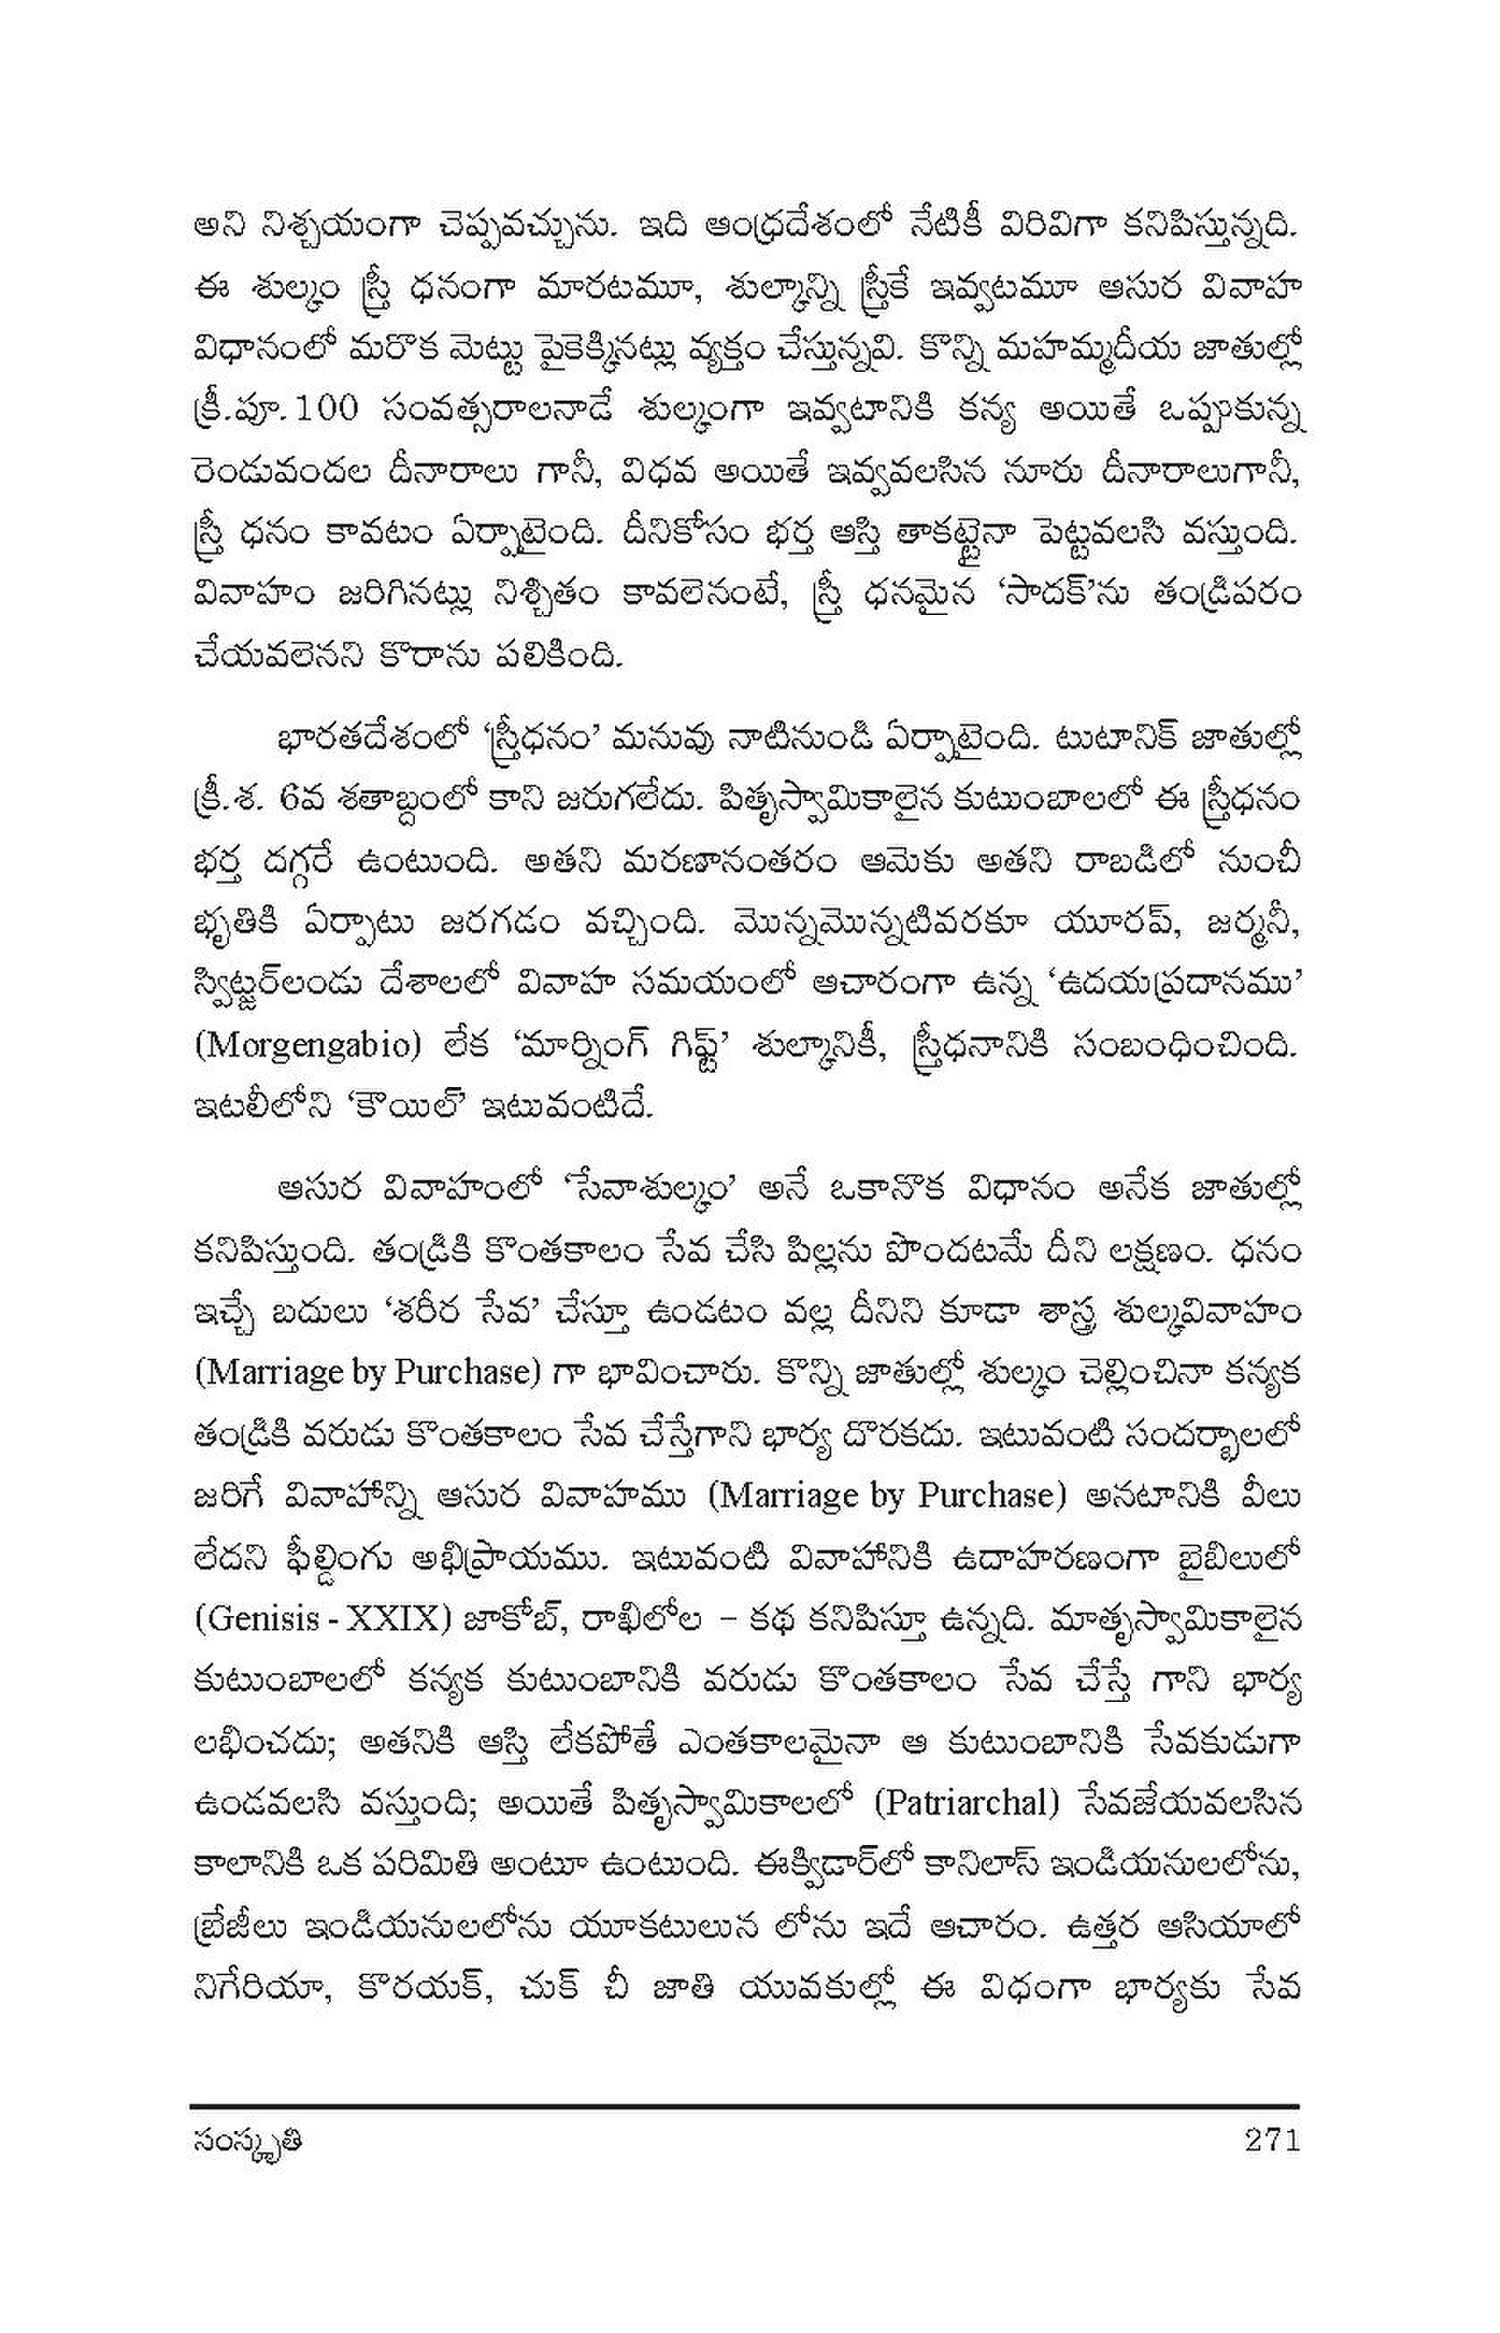అని నిశ్చయంగా చెప్పవచ్చును. ఇది ఆంధ్రదేశంలో నేటికీ విరివిగా కనిపిస్తున్నది.
ఈ శుల్కం స్త్రీ ధనంగా మారటమూ, శుల్కాన్ని స్త్రీకే ఇవ్వటమూ ఆసుర వివాహ
విధానంలో మరొక మెట్టు పైకెక్కినట్లు వ్యక్తం చేస్తున్నవి. కొన్ని మహమ్మదీయ జాతుల్లో
క్రీ.పూ.100 సంవత్సరాలనాడే శుల్కంగా ఇవ్వటానికి కన్య అయితే ఒప్పుకున్న
రెండువందల దీనారాలు గానీ, విధవ అయితే ఇవ్వవలసిన నూరు దీనారాలుగానీ,
స్త్రీ ధనం కావటం ఏర్పాటైంది. దీనికోసం భర్త ఆస్తి తాకట్టైనా పెట్టవలసి వస్తుంది.
వివాహం జరిగినట్లు నిశ్చితం కావలెనంటే, స్త్రీ ధనమైన 'సాదక ' ను తండ్రిపరం
చేయవలెనని కొరాను పలికింది.

భారతదేశంలో 'స్త్రీధనం' మనువు నాటినుండి ఏర్పాటైంది. టుటానిక్ జాతుల్లో
క్రీ.శ. 6వ శతాబ్దంలో కాని జరుగలేదు. పితృస్వామికాలైన కుటుంబాలలో ఈ స్త్రీధనం
భర్త దగ్గరే ఉంటుంది. అతని మరణానంతరం ఆమెకు అతని రాబడిలో నుంచీ
భృతికి ఏర్పాటు జరగడం వచ్చింది. మొన్నమొన్నటివరకూ యూరప్, జర్మనీ,
స్విట్జర్లండు దేశాలలో వివాహ సమయంలో ఆచారంగా ఉన్న 'ఉదయప్రదానము’
(Morgengabio) లేక 'మార్నింగ్ గిఫ్ట్' శుల్కానికీ, స్త్రీధనానికి సంబంధించింది.
ఇటలీలోని 'కాయిల్' ఇటువంటిదే.

ఆసుర వివాహంలో 'సేవాశుల్కం' అనే ఒకానొక విధానం అనేక జాతుల్లో
కనిపిస్తుంది. తండ్రికి కొంతకాలం సేవ చేసి పిల్లను పొందటమే దీని లక్షణం. ధనం
ఇచ్చే బదులు 'శరీర సేవ' చేస్తూ ఉండటం వల్ల దీనిని కూడా శాస్త్ర శుల్క వివాహం
(Marriage by Purchase) గా భావించారు. కొన్ని జాతుల్లో శుల్కం చెల్లించినా కన్యక
తండ్రికి వరుడు కొంతకాలం సేవ చేస్తేగాని భార్య దొరకదు. ఇటువంటి సందర్భాలలో
జరిగే వివాహాన్ని ఆసుర వివాహము (Marriage by Purchase) అనటానికి వీలు
లేదని ఫీల్డింగు అభిప్రాయము. ఇటువంటి వివాహానికి ఉదాహరణంగా బైబిలులో
(Genisis – XXIX) జాకోబ్, రాఖిలోల - కథ కనిపిస్తూ ఉన్నది. మాతృస్వామికాలైన
కుటుంబాలలో కన్యక కుటుంబానికి వరుడు కొంతకాలం సేవ చేస్తే గాని భార్య
లభించదు; అతనికి ఆస్తి లేకపోతే ఎంతకాలమైనా ఆ కుటుంబానికి సేవకుడుగా
ఉండవలసి వస్తుంది; అయితే పితృస్వామికాలలో (Patriarchal) సేవజేయవలసిన
కాలానికి ఒక పరిమితి అంటూ ఉంటుంది. ఈక్విడార్లో కానిలాస్ ఇండియనులలోను,
బ్రేజీలు ఇండియనులలోను యూకటులున లోను ఇదే ఆచారం. ఉత్తర ఆసియాలో
నిగేరియా, కొరయక్, చుక్ చీ జాతి యువకుల్లో ఈ విధంగా భార్యకు సేవ